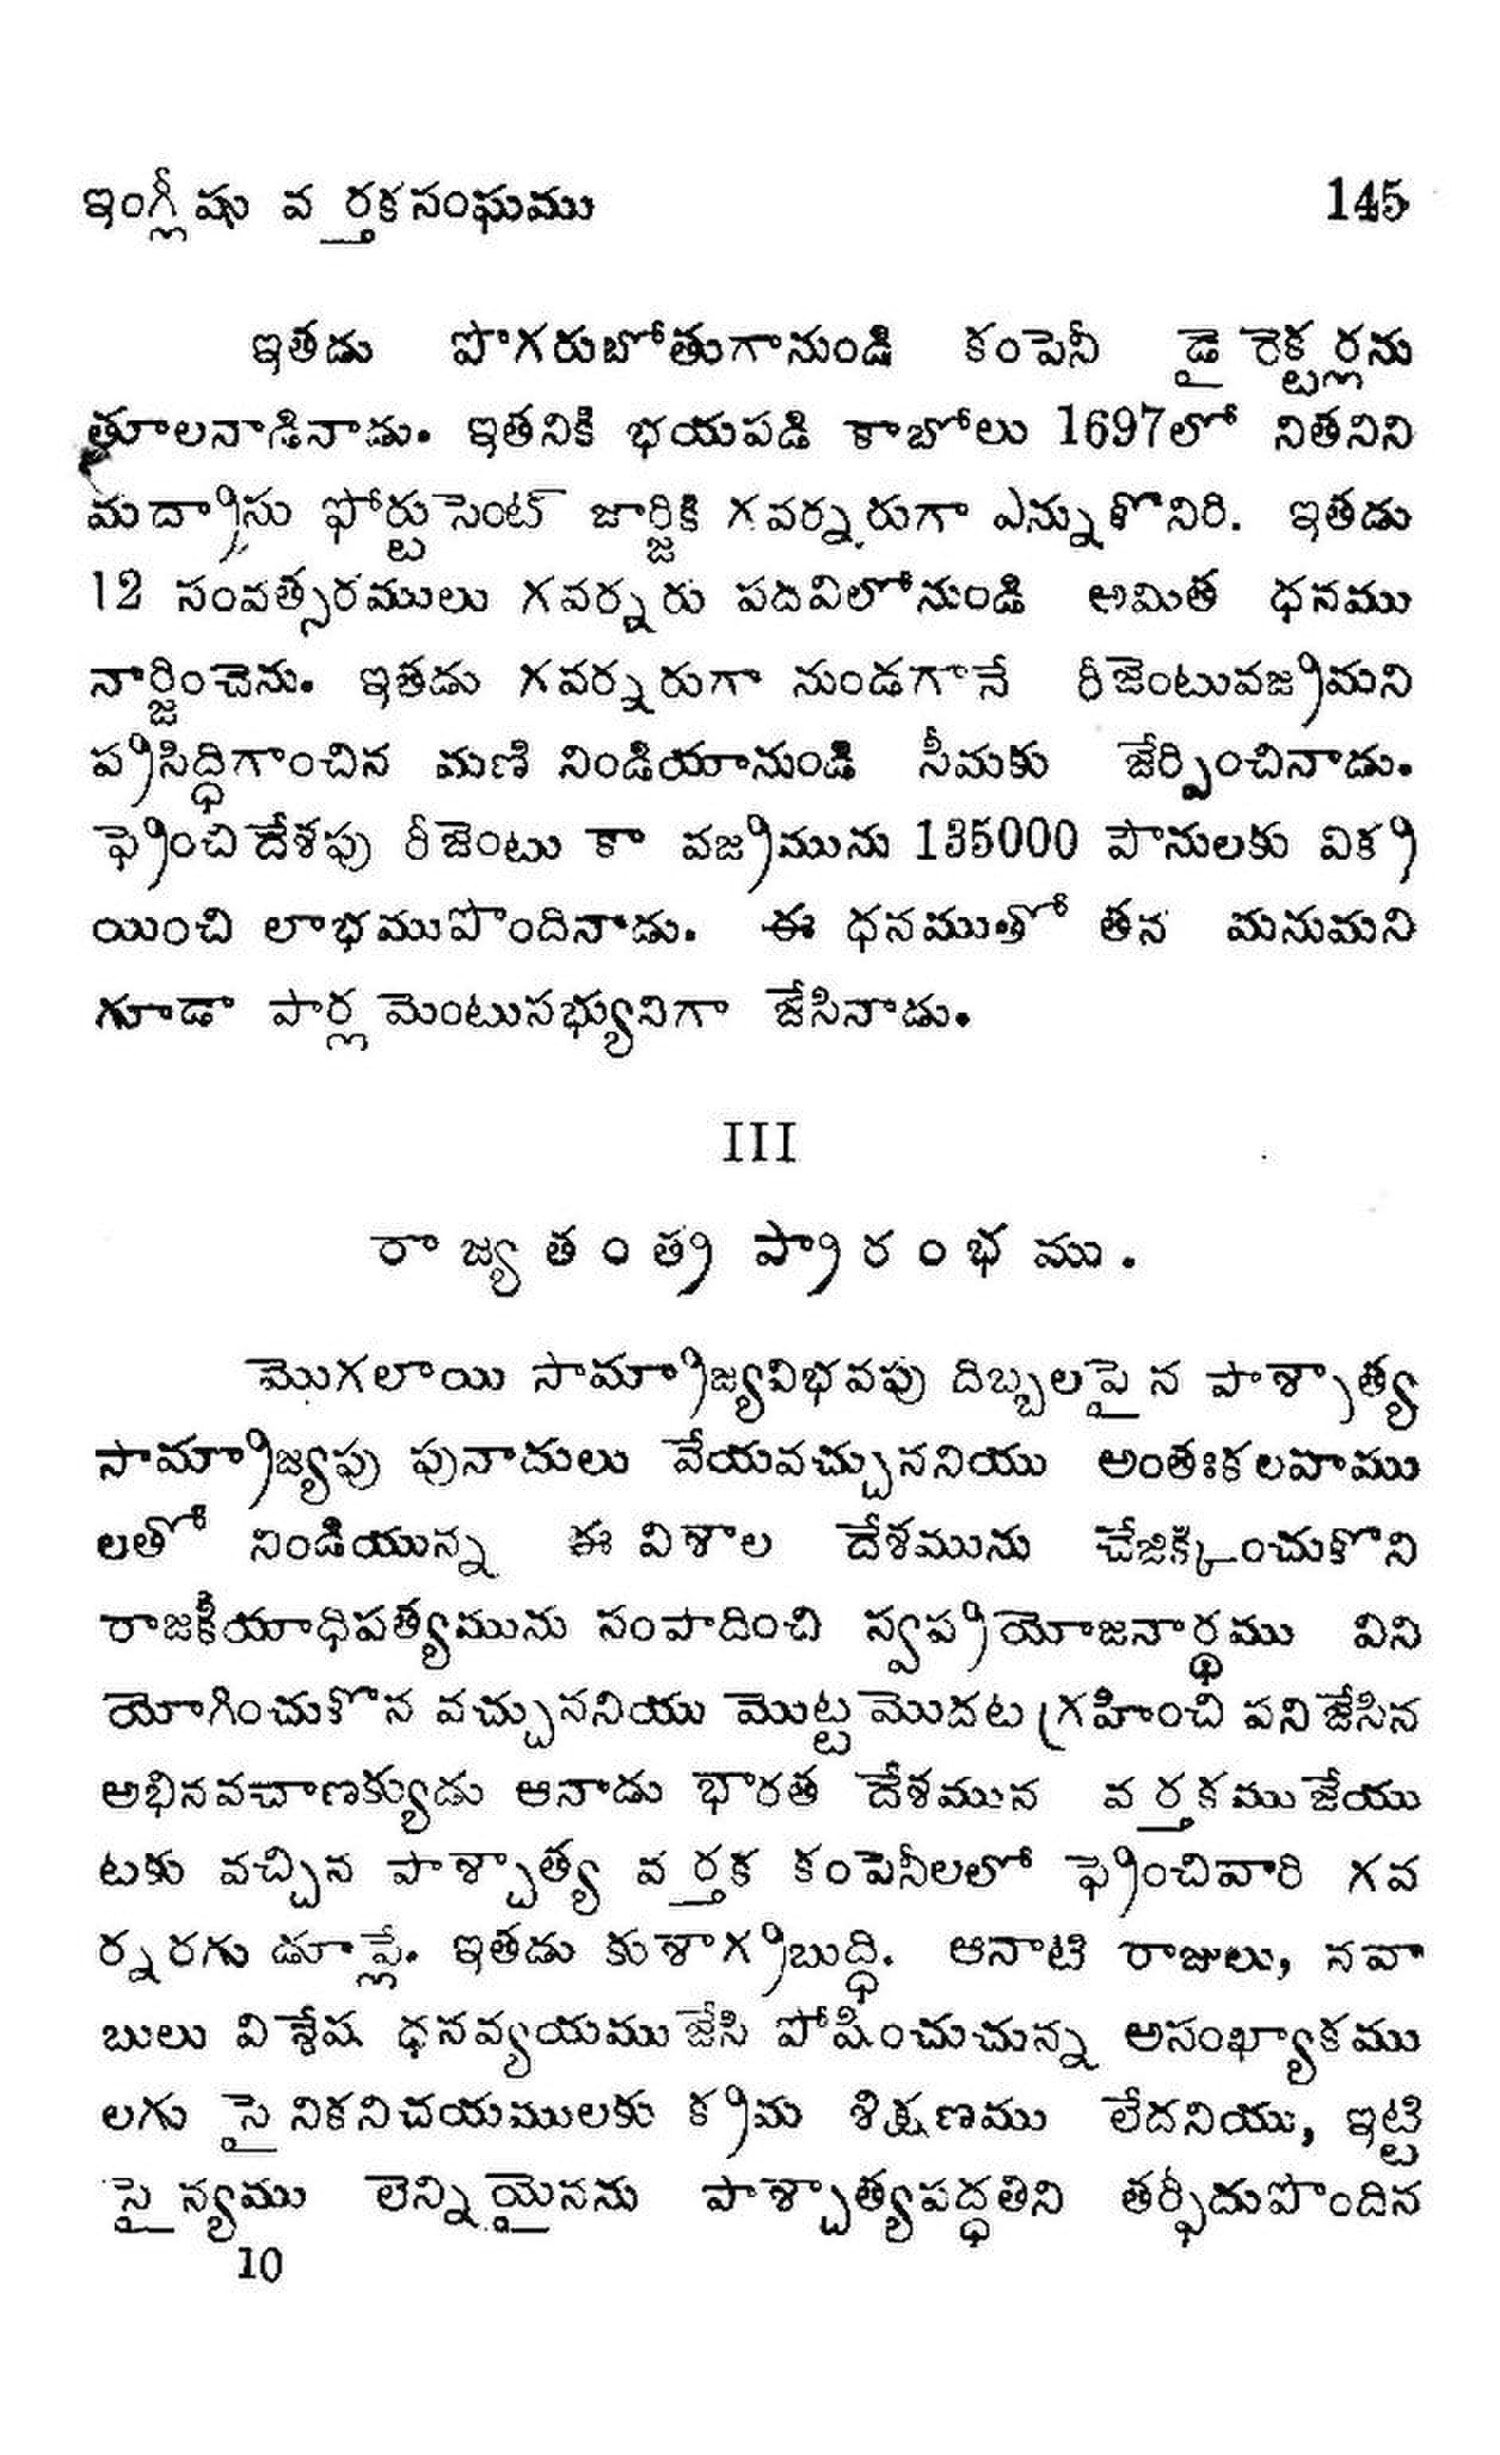ఇతడు పొగరుబోతుగానుండి కంపెనీ డైరెక్టర్లను తూలనాడినాడు. ఇతనికి భయపడి కాబోలు 1697 లో నితనిని మద్రాసు ఫోర్టుసెంట్ జార్జికి గవర్నరుగా ఎన్నుకొనిరి. ఇతడు 12 సంవత్సరములు గవర్నరు పదవిలోనుండి అమిత ధనము నార్జించెను. ఇతడు గవర్నరుగా నుండగానే రీజెంటువజ్రమని ప్రసిద్ధిగాంచిన మణి నిండియానుండి సీమకు జేర్పించినాడు. ఫ్రెంచిదేశపు రీజెంటు కా వజ్రమును 135000 పౌనులకు విక్రయించి లాభముపొందినాడు. ఈ ధనముతో తన మనుమని గూడా పార్ల మెంటుసభ్యునిగా జేసినాడు.

III 
రాజ్యతంత్ర ప్రారంభము

మొగలాయి సామ్రాజ్యవిభవపు దిబ్బలపైన పాశ్చాత్య సామ్రాజ్యపు పునాదులు వేయవచ్చుననియు అంతఃకలహములతో నిండియున్న ఈ విశాల దేశమును చేజిక్కించుకొని రాజకీయాధిపత్యమును సంపాదించి స్వప్రయోజనార్దము వినియోగించుకొన వచ్చుననియు మొట్టమొదట గ్రహించి పనిజేసిన అభినవచాణక్యుడు ఆనాడు భారత దేశమున వర్తకముజేయుటకు వచ్చిన పాశ్చాత్య వర్తక కంపెనీలలో ఫ్రెంచివారి గవర్నరగు డూప్లే. ఇతడు కుశాగ్రబుద్ధి. ఆనాటి రాజులు, నవాబులు విశేష ధనవ్యయము జేసి పోషించుచున్న అసంఖ్యాకములగు సైనికనిచయములకు క్రమ శిక్షణము లేదనియు, ఇట్టి సైన్యము లెన్నియైనను పాశ్చాత్యపద్ధతిని తర్ఫీదుపొందిన